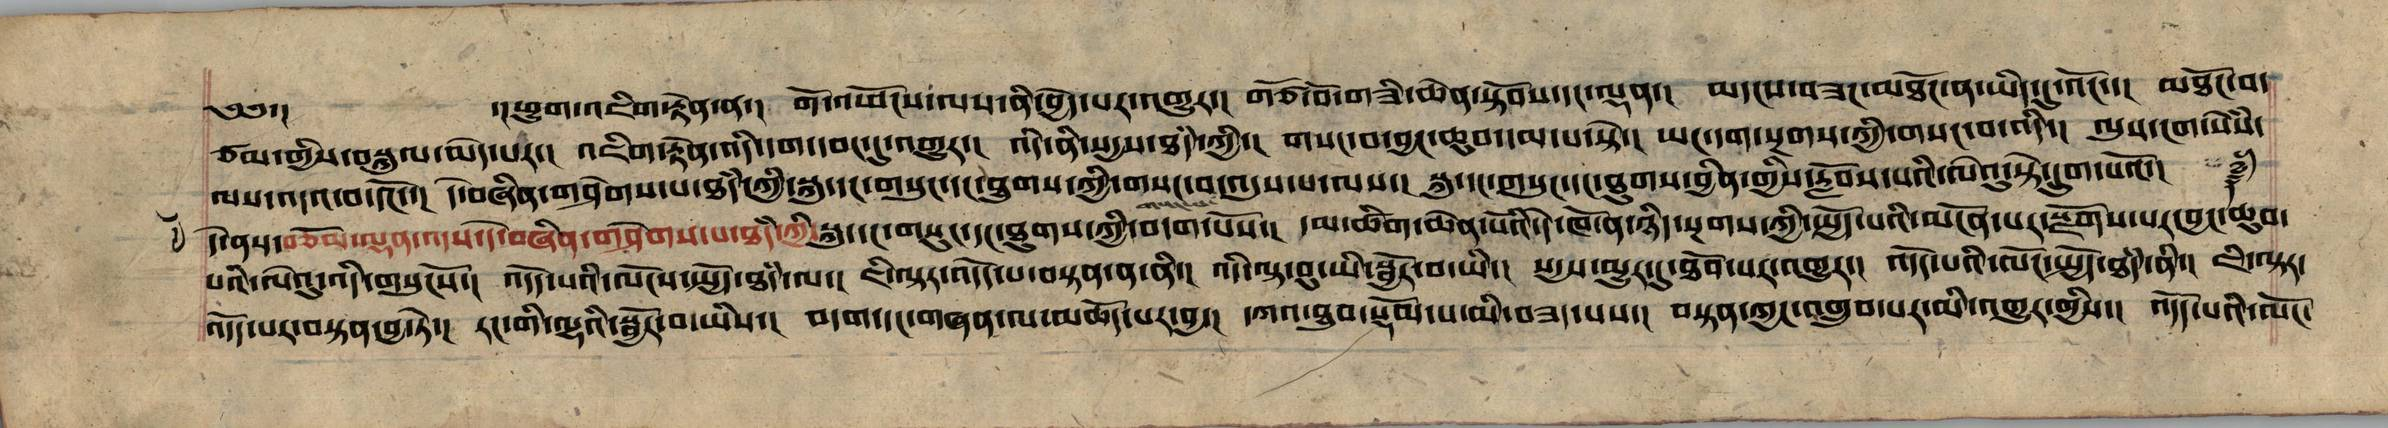༄༅་། ་།ཕྱུག་འཇིག་རྟེན་ན་། གོ་འཕོངས་ལས་ནི་བྱེད་པར་འགྱུར་། གཙོ་བོ་གཟི་ཆེན་སྟོབས་དང་ལྡན་། མདངས་བཟང་མཐོང་ནས་ཡིད་དུ་འོང་་། མཐོང་བ་
ཙམ་གྱིས་བསྐུལ་མེད་པར་། འཇིག་རྟེན་འདི་དག་དབང་དུ་འགྱུར་། འདི་ནི་སདྱས་ཐཾད་ཀྱི་། གསང་བ་བྱང་ཆུབ་དམ་པ་སྟེ་། ཡང་དག་སྔགས་ཀྱི་གསང་བ་འདི་། ལུས་ངག་སེཾས་
ལས་འདའ་བ་དོང་་། དེ་བཞིན་གཤེགས་པ་ཐཾད་ཀྱི་སྐུ་དང་གསུང་དང་ཐུགས་ཀྱི་གསང་བ་གསང་བ་འདུས་པ་ལས་། སྐུ་དང་གསུང་དང་ཐུགས་བྱིན་གྱིས་རློབས་པའི་ལེའུ་སྟེ་དྲུག་པའོ་། ༈
དེ་ནས་བཅོམ་ལྡན་འདས་དེ་བཞིན་གཤེགས་པ་ཐཾད་ཀྱི་སྐུ་དང་གསུང་དང་ཐུགས་ཀྱི་བདག་པོས་། དམ་ཚིག་ཆེན་པོའི་དེ་ཁོ་ན་ཉིད་སྔགས་ཀྱི་སྤྱོད་པའི་མངོན་པར་སྫོགས་པར་བྱང་ཆུབ་
པའི་ལེའུ་འདི་གསུངསོ་། འདོད་པའི་ལོངས་སྤྱོད་ཐཾད་ལ་། ཇི་ལྟར་འདོད་པ་བསྟན་ན་ནི་། འདི་ལྟ་བུ་ཡི་སྦྱོར་བ་ཡི་། སདྱས་མྱུར་དུ་ཐོབ་པར་འགྱུར་། འདོད་པའི་ལོངས་སྤྱོད་ཐཾད་ནི་། ཇི་ལྟར་
འདོད་པར་བསྟན་བྱ་སྟེ་། རང་གི་ལྷའི་སྦྱོར་བ་ཡིས་། བདག་དང་གཞན་ལ་མཆོད་པར་བྱ་། དཀའ་ཐུབ་སྡོམ་པ་མི་བཟད་པས་། བསྟན་ཀྱང་འགྲུབ་པར་མི་འགྱུར་གྱིས་། འདོད་པའི་ལོང་